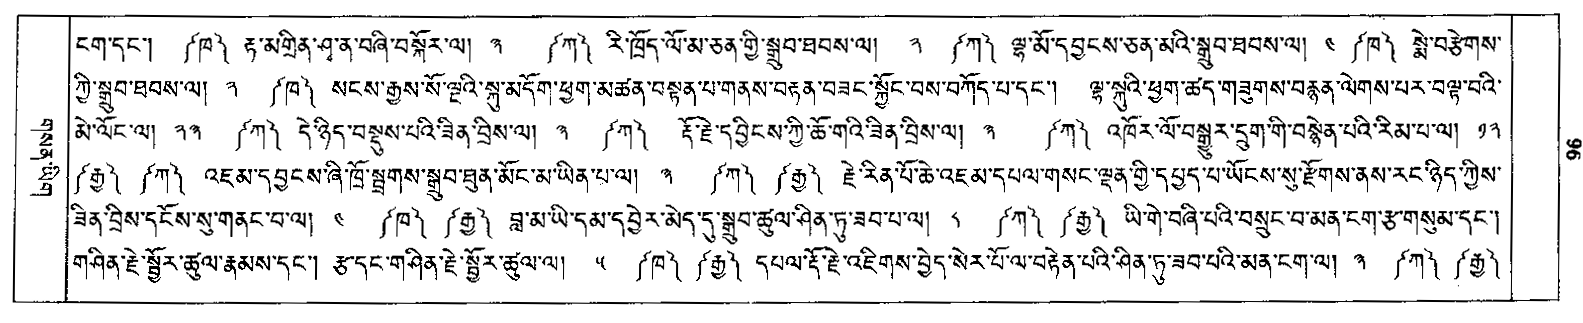ངག་དང་། ?ཁ༼་རྟ་མགྲིན་ཤྭ་ན་བཞི་བསྐོར་ལ། ༣་?ཀ༽ རི་ཁྲོད་ལོ་མ་ཅན་གྱི་སྒྲུབ་ཐབས་ལ། ༢་?ཀ༼་ལྷ་མོ་དབྱངས་ཅན་མའི་སྒྲུབ་ཐབས་ལ། ༤་?ཁ༽ སྨེ་བརྩེགས་
ཀྱི་སྒྲུབ་ཐབས་ལ། ༢་?ཁ་སངས་རྒྱས་སོ་ལྔའི་སྐུ་མདོག་ཕྱག་མཚན་བསྟན་པ་གནས་བརྟན་བཟང་སྐྱོང་བས་བཀོད་པ་དང་། ལྷ་སྐུའི་ཕྱག་ཚད་གཟུགས་བརྙན་ལེགས་པར་བལྟ་བའི་
མེ་ལོང་ལ། ༢༣་?ཀ༼་དེ་ཉིད་བསྡུས་པའི་ཟིན་བྲིས་ལ། ༣་?ཀ༽ རྡོ་རྗེ་དབྱིངས་ཀྱི་ཆོ་གའི་ཟིན་བྲིས་ལ། ༣་?ཀ་འཁོར་ལོ་བསྒྱུར་དྲུག་གི་བསྙེན་པའི་རིམ་པ་ལ། ༡༢
?རྒྱ༼་?ཀ༽ འཇམ་དབྱངས་ཞི་ཁྲོ་སྦྲགས་སྒྲུབ་ཐུན་མོང་མ་ཡིན་པ་ལ། ༣་?ཀ༼་?རྒྱ༽ རྗེ་རིན་པོ་ཆེ་འཇམ་དཔལ་གསང་ལྡན་གྱི་དཔྱད་པ་ཡོངས་སུ་རྫོགས་ནས་རང་ཉིད་ཀྱིས་
ཟིན་བྲིས་དངོས་སུ་གནང་བ་ལ། ༤་?ཁ༼་?རྒྱ༽ བླ་མ་ཡི་དམ་དབྱེར་མེད་དུ་སྒྲུབ་ཚུལ་ཤིན་ཏུ་ཟབ་པ་ལ། ༨་?ཀ༼་?རྒྱ༽ ཡི་གེ་བཞི་པའི་བསྲུང་བ་མན་ངག་རྩ་གསུམ་དང་།
གཤིན་རྗེ་སྦྱོར་ཚུལ་རྣམས་དང་། རྩ་དང་གཤིན་རྗེ་སྦྱོར་ཚུལ་ལ། ༥་?ཁ༼་?རྒྱ༽ དཔལ་རྡོ་རྗེ་འཇིགས་བྱེད་སེར་པོ་ལ་བརྟེན་པའི་ཤིན་ཏུ་ཟབ་པའི་མན་ངག་ལ། ༣་?ཀ༼་?རྒྱ༽